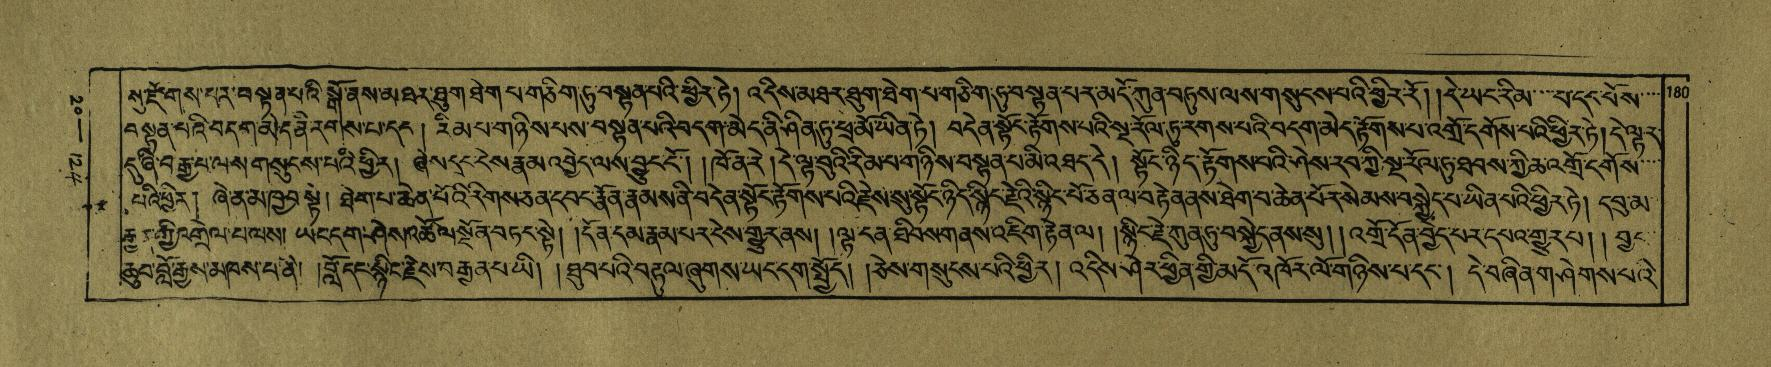སུ་རྫོགས་པར་བསྟན་པའི་སྒོ་ནས་མཐར་ཐུག་ཐེག་པ་གཅིག་ཏུ་བསྟན་པའི་ཕྱིར་ཏེ། འདིས་མཐར་ཐུག་ཐེག་པ་གཅིག་ཏུ་བསྟན་པར་མདོ་ཀུན་བཏུས་ལས་གསུངས་པའི་ཕྱིར་རོ། །དེ་ཡང་རིམ་པ་དང་པོས་
བསྟན་པའི་བདག་མེད་ནི་རགས་པ་དང་། རིམ་པ་གཉིས་པས་བསྟན་པའི་བདག་མེད་ནི་ཤིན་ཏུ་ཕྲ་མོ་ཡིན་ཏེ། བདེན་སྟོང་རྟོགས་པའི་སྔ་རོལ་ཏུ་རགས་པའི་བདག་མེད་རྟོགས་པ་འགྲོ་དགོས་པའི་ཕྱིར་ཏེ། དེ་ལྟར་
དུ་ཞི་བརྒྱ་པ་ལས་གསུངས་པའི་ཕྱིར། ཞེས་དྲང་ངེས་རྣམ་འབྱེད་ལས་བྱུང་ངོ། །ཁོ་ན་རེ། དེ་ལྟ་བུའི་རིམ་པ་གཉིས་བསྟན་པ་མི་འཐད་དེ། སྟོང་ཉིད་རྟོགས་པའི་ཤེས་རབ་ཀྱི་སྔ་རོལ་ཏུ་ཐབས་ཀྱི་ཆ་འགྲོ་དགོས་
པའི་ཕྱིར། ཞེ་ན་མ་ཁྱབ་སྟེ། ཐེག་པ་ཆེན་པོའི་རིགས་ཅན་དབང་རྣོན་རྣམས་ནི་བདེན་སྟོང་རྟོགས་པའི་རྗེས་སུ་སྟོང་ཉིད་སྙིང་རྗེའི་སྙིང་པོ་ཅན་ལ་བརྟེན་ནས་ཐེག་པ་ཆེན་པོར་སེམས་བསྐྱེད་པ་ཡིན་པའི་ཕྱིར་ཏེ། དབུ་མ་
རྒྱན་གྱི་འགྲེལ་པ་ལས། ཡང་དག་ཤེས་འཚོལ་སྔོན་བཏང་སྟེ། །དོན་དམ་རྣམ་པར་ངེས་གྱུར་ནས། །ལྟ་ངན་ཐིབས་གནས་འཇིག་རྟེན་ལ། །སྙིང་རྗེ་ཀུན་ཏུ་བསྐྱེད་ནས་སུ། །འགྲོ་དོན་བྱེད་པར་དཔའ་གྱུར་པ། །བྱང་
ཆུབ་བློ་རྒྱས་མཁས་པ་ནི། །བློ་དང་སྙིང་རྗེས་བརྒྱན་པ་ཡི། །ཐུབ་པའི་བརྟུལ་ཞུགས་ཡང་དག་སྤྱོད། །ཅེས་གསུངས་པའི་ཕྱིར། འདིས་ཤེར་ཕྱིན་གྱི་མདོ་འཁོར་ལོ་གཉིས་པ་དང་། དེ་བཞིན་གཤེགས་པའི་